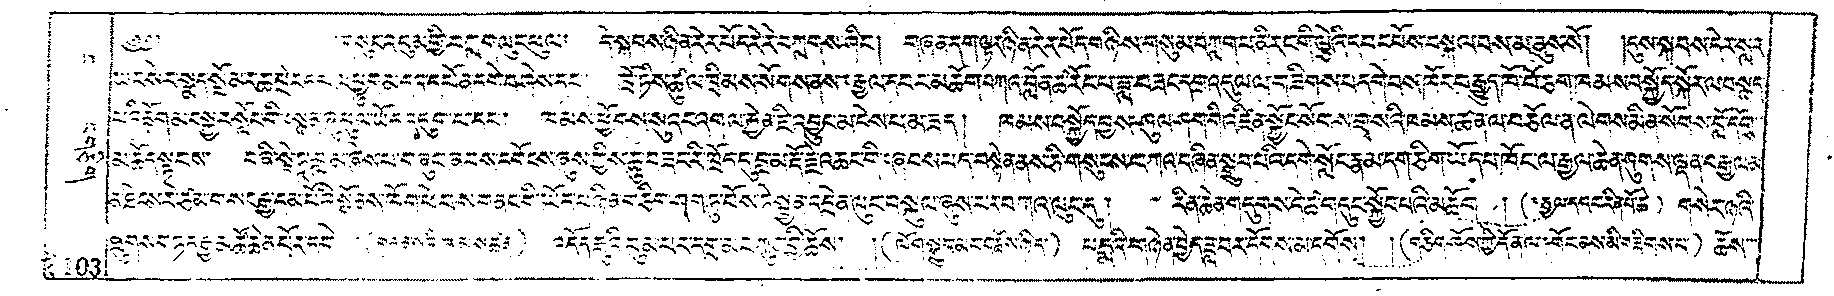༄༅། །གསུང་འབུམ་གྱི་བཀླག་ལུང་ཕུལ། དེ་སྐབས་ཉིན་རེར་པོད་རེ་རེ་བཀླགས་ཤིང་། གཞན་དག་ལྟར་ཉིན་རེར་པོད་གཉིས་གསུམ་བཀླག་པ་ནི་རང་གི་ལྕེའི་དབང་པོས་བསྐལ་བས་མ་ནུས་སོ། །དུས་སྐབས་དེར་སླར་
ཡང་སེར་སྨད་སྤོམ་ར་ཆ་ཕྲེང་དཔལ་ཕྱུག་མདའ་དཔོན་དགེ་བཤེས་དང་། ཁྲོ་ཏིས་ཚུལ་ཁྲིམས་སོགས་ནས་༧རྒྱལ་དབང་མཆོག་བཀའ་བློན་ཚ་རོང་པ་ཟླ་བཟང་དགྲ་འདུལ་ལ་གཟིགས་པ་དགེ་བས་ཁོང་བརྒྱུད་ཁོ་བོ་ཅག་ཁམས་བསྐྱོད་སྐོར་ལ་བསྙད་
པའི་རྙོག་མ་བསྐྱར་སློང་གི་༧སྙན་ཞུ་ཕུལ་ཡོད་འདུག་པ་དང་། ཁམས་ཕྱོགས་སུའང་འགལ་རྐྱེན་ཇི་འབྱུང་མ་ངེས་པ་མ་ཟད། ཁམས་བསྐྱོད་བྱས་ཤུལ་ཤག་གི་འཛིན་སྐྱོང་སོགས་གྲྭ་སའི་ཁམས་ཚན་ལ་བཅོལ་ན་ལེགས་མིན་སོགས་བློ་དོགས་
མ་ཆོད་སྟབས། བཞི་སྡེ་ཏཱ་བླ་མ་ཞེས་པ་གཞུང་ཞབས་དགོངས་ཞུས་ཀྱིས་ཆུ་བཟང་རི་ཁྲོད་དུ་བླ་མ་རྡོ་རྗེ་འཆང་གི་༧ཞབས་པད་བསྙེན་ནས་ཅི་གསུངས་བཀའ་བཞིན་སྒྲུབ་པའི་དགེ་སློང་རྣམ་དག་ཅིག་ཡོད་པ་ཁོང་ལ་རྒྱལ་ཆེན་ཤུགས་ལྡན་བརྒྱ་ལམ་
ན་ཐེངས་རེ་ཙམ་གསང་རྒྱ་དམ་པོའི་སྒོ་ནས་ཁོག་ཕེབས་གནང་གི་ཡོད་པ་ཉིན་གཅིག་ཤག་ཏུ་བོས་ཏེ་སྤྱན་འདྲེན་ལུང་བསྐུལ་ཞུས་པར་བཀའ་ལུང་དུ། ༧རིན་ཆེན་གདུགས་དེ་ཚ་གདུང་སྐྱོབ་པའི་མཆོག ། ༧རྒྱལ་དབང་རིན་པོ་ཆེ་གསེར་ཉའི་
ཐུགས་གཏད་རྒྱ་མཚོ་ཆེན་པོར་དགེ ། གདན་སའི་ཁམས་ཚན་འདོད་རྒུའི་བུམ་པར་དགྲ་མང་ཀུན་གྱི་ཆོས། ། ལོག་སྒྲུབ་མང་བ་ཆོས་ཉིད་པདམའི་གཉེན་བྱེད་ཟླ་བར་དོགས་མ་དགོས། ། གཅིག་ཤོས་ཀྱི་དོན་ལ་༧གོང་ནས་མི་གཟིགས་པ་ཆོས་